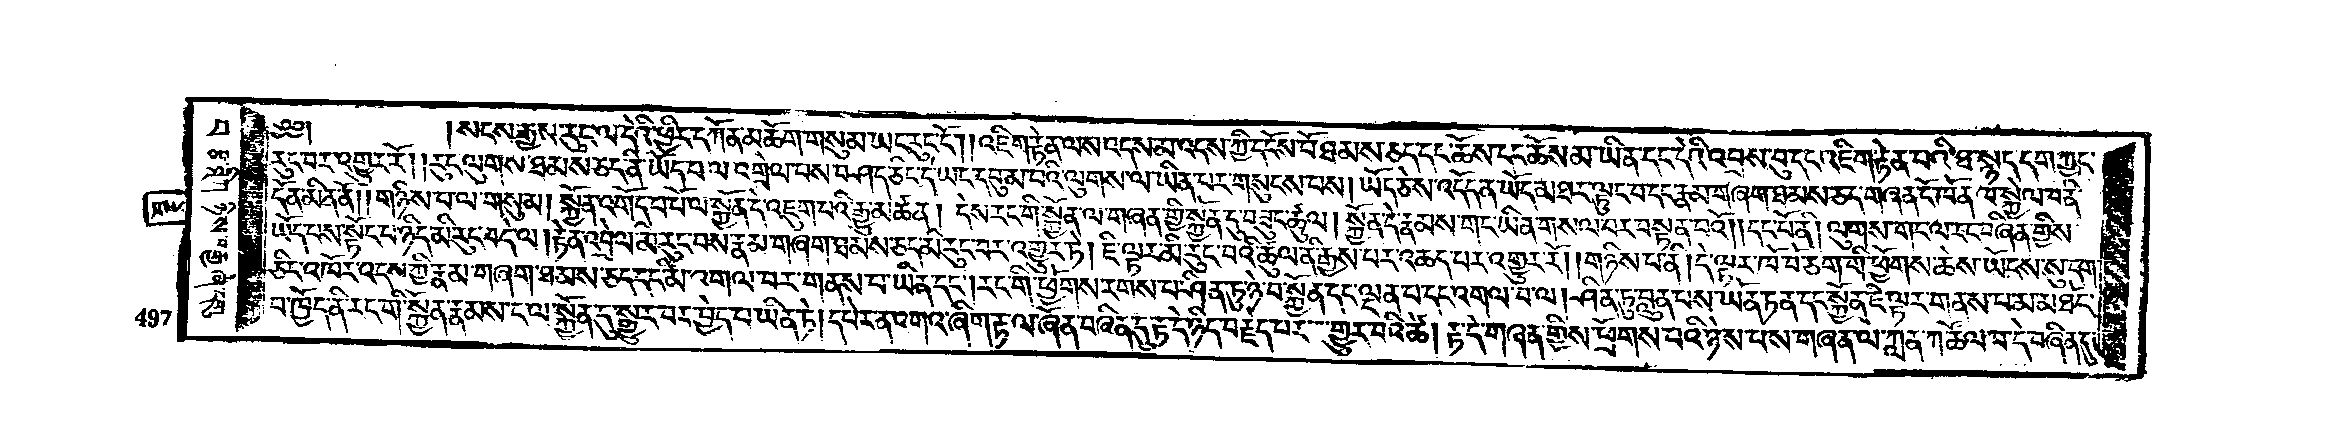༄༅། །སངས་རྒྱས་རུང་ལ་དེའི་ཕྱིར་དཀོན་མཆོག་གསུམ་ཡང་རུང་ངོ། །འཇི་རྟེན་ལས་འདས་མ་འདས་ཀྱི་དངོས་པོ་ཐམས་ཅད་དང་ཆོས་དང་ཆོས་མ་ཡིན་པ་དང་དེའི་འབྲས་བུ་དང་འཇིག་རྟེན་པའི་ཐ་སྙད་དག་ཀྱང་
རུང་བར་འགྱུར་རོ། །རུང་ལུགས་ཐམས་ཅད་ནི་ཡོད་པ་ལ་འགྲེལ་པས་བཤད་ཅིང་དེ་ཡང་དབུ་མ་པའི་ལུགས་ལ་ཡིན་པར་གསུངས་པས། ཡོད་ཅེས་འདོད་ན་ཡོད་མཐར་ལྟུང་བ་དང་རྣམ་གཞག་ཐམས་ཅད་གཞན་ངོ་ཁོ་ན་ལ་སྐྱེལ་བ་ནི་
དོན་མིན་ནོ། །གཉིས་པ་ལ་གསུམ། སྐྱོན་འགོད་པ་པོ་ལ་སྐྱོན་དེ་འཇུག་པའི་རྒྱུ་མཚན། དེས་རང་གི་སྐྱོན་ལ་གཞན་གྱི་སྐྱོན་དུ་བཟུང་ཚུལ། སྐྱོན་དེ་རྣམས་གང་ཡིན་གསལ་བར་བསྟན་པའོ། །དང་པོ་ནི། ལུགས་གང་ལ་རང་བཞིན་གྱིས་
ཡོད་པས་སྟོང་པ་ཉིད་མི་རུང་བ་དེ་ལ། རྟེན་འབྲེལ་མི་རུང་བས་རྣམ་གཞག་ཐམས་ཅད་མི་རུང་བར་འགྱུར་ཏེ། ཇི་ལྟར་མི་རུང་བའི་ཚུལ་ནི་རྒྱས་པར་འཆད་པར་འགྱུར་རོ། །གཉིས་པ་ནི། དེ་ལྟར་ཁོ་བོ་ཅག་གི་ཕྱོགས་ཆོས་ཡོངས་སུ་དག་
ཅིང་འཁོར་འདས་ཀྱི་རྣམ་གཞག་ཐམས་ཅད་དང་མི་འགལ་བར་གནས་པ་ཡིན་དང་། རང་གི་ཕྱོགས་རགས་པ་ཤིན་ཏུ་ཉེ་བསྐྱོན་དང་ལྡན་པ་དང་འགལ་བ་ལ། ཤིན་ཏུ་བླུན་པས་ཡོན་ཏན་དང་སྐྱོན་ཇི་ལྟར་གནས་པ་མ་མཐོང་
བ་ཁྱོད་ནི་རང་གི་སྐྱོན་རྣམས་པ་ལ་སྐྱོན་དུ་སྒྱུར་བར་བྱེད་པ་ཡིན་ཏེ། དཔེར་ན་འགའ་ཞིག་རྟ་ལ་ཞོན་བཞིན་དུ་རྟ་དེ་ཉིད་བརྗེད་པར་གྱུར་བའི་ཚེ། རྟ་དེ་གཞན་གྱིས་ཕྲོགས་པའི་ཉེས་པས་གཞན་ལ་ཀླན་ཀ་ཚོལ་བ་དེ་བཞིན་དུ།